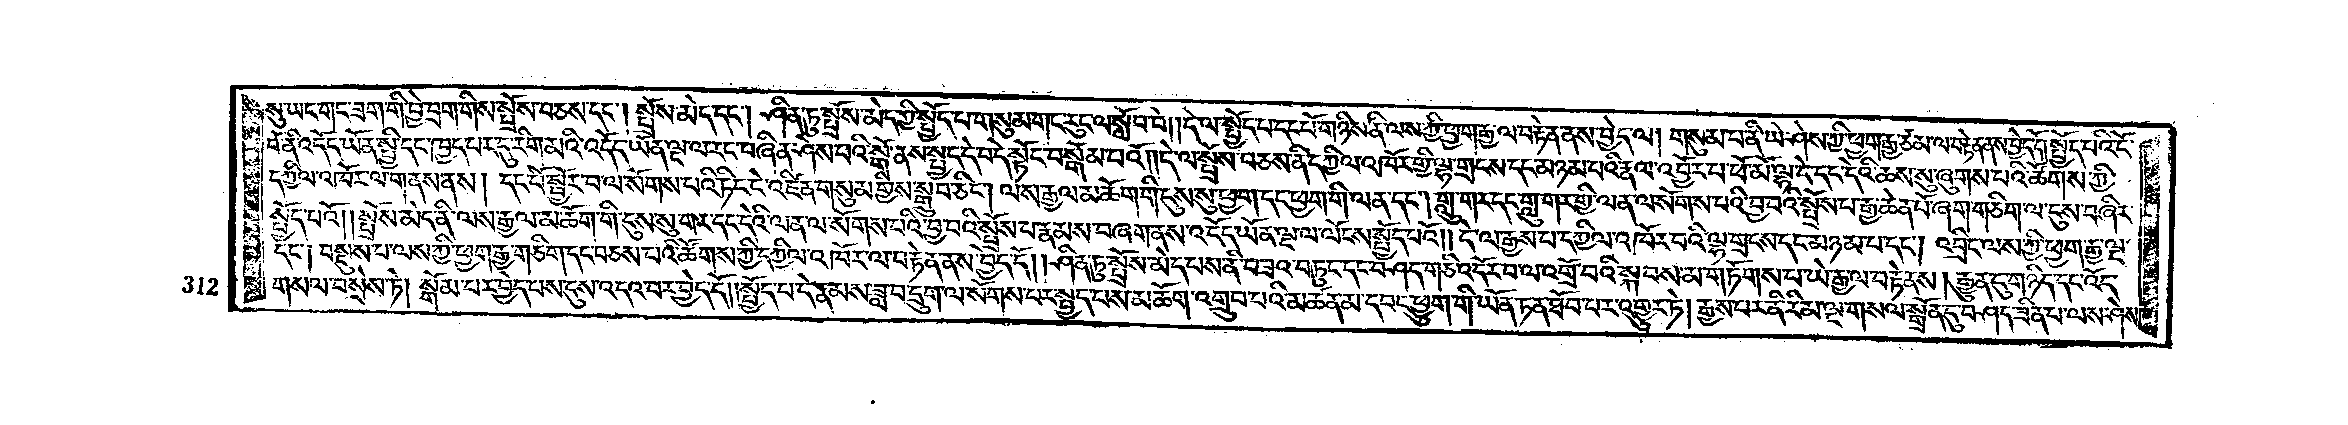སུ་ཡང་གང་ཟག་གི་བྱེ་བྲག་གིས་སྤྲོས་བཅས་དང་། སྤྲོས་མེད་དང་། ཤིན་ཏུ་སྤྲོས་མེད་ཀྱི་སྤྱོད་པ་གསུམ་གང་རུང་ལ་སློབ་བོ། །དེ་ལ་སྤྱོད་པ་དང་པོ་གཉིས་ནི་ལས་ཀྱི་ཕྱག་རྒྱ་ལ་བརྟེན་ནས་བྱེད་ལ། གསུམ་པ་ནི་ཡེ་ཤེས་ཀྱི་ཕྱག་རྒྱ་ཙམ་ལ་བརྟེན་ནས་བྱེད་དོ། སྤྱོད་པའི་ངོ་
བོ་ནི་འདོད་ཡོན་སྤྱི་དང་ཁྱད་པར་དུ་རིག་མའི་འདོད་ཡོན་ལྔ་ལ་རང་བཞིན་ཤེས་པའི་སྒོ་ནས་སྤྱད་དེ་བདེ་སྟོང་བསྒོམ་པའོ། །དེ་ལ་སྤྲོས་བཅས་ནི་དཀྱིལ་འཁོར་གྱི་ལྷ་གྲངས་དང་མཉམ་པའི་རྣལ་འབྱོར་པ་ཕོ་མོ་ལྷ་དེ་དང་དེའི་ཆས་སུ་ཞུགས་པའི་ཚོགས་ཀྱི་
དཀྱིལ་འཁོར་ལ་གནས་ནས། དང་པོ་སྦྱོར་བ་ལ་སོགས་པའི་ཏིང་ངེ་འཛིན་གསུམ་གྱིས་སྒྲུབ་ཅིང་། ལས་རྒྱལ་མཆོག་གི་དུས་སུ་ཕྱག་དང་ཕྱག་གི་ལན་དང་། གླུ་གར་དང་གླུ་གར་གྱི་ལན་ལ་སོགས་པའི་བྱ་བའི་སྤྲོས་པ་རྒྱ་ཆེན་པོ་ཞག་གཅིག་ལ་དུས་བཞིར་
སྤྱོད་པའོ། །སྤྲོས་མེད་ནི་ལས་རྒྱལ་མཆོག་གི་དུས་སུ་གར་དང་དེའི་ལན་ལ་སོགས་པའི་བྱ་བའི་སྤྲོས་པ་རྣམས་བཞག་གནས་འདོད་ཡོན་ལྔ་ལ་ལོངས་སྤྱོད་པའོ། །དེ་ལ་རྒྱས་པ་དཀྱིལ་འཁོར་བའི་ལྷ་གྲངས་དང་མཉམ་པ་དང་། འབྲིང་ལས་ཀྱི་ཕྱག་རྒྱ་ལྔ་
དང་། བསྡུས་པ་ལས་ཀྱི་ཕྱག་རྒྱ་གཅིག་དང་བཅས་པའི་ཚོགས་ཀྱི་དཀྱིལ་འཁོར་ལ་བརྟེན་ནས་བྱེད་དོ། །ཤིན་ཏུ་སྤྲོས་མེད་པས་ནི་བཟའ་བཏུང་དང་བཤད་གཅི་འདོར་བ་ལ་འགྲོ་བའི་སྐབས་མ་གཏོགས་པ་ཡེ་རྒྱ་ལ་བརྟེན་ནས། རྒྱུན་དུ་གཉིད་དང་འོད་
གསལ་བསྲེས་ཏེ། སྒོམ་པར་བྱེད་པས་དུས་འདའ་བར་བྱེད་དོ། །སྤྱོད་པ་དེ་རྣམས་ཟླ་བ་དྲུག་ལ་སོགས་པར་སྤྱད་པས་མཆོག་འགྲུབ་པའི་མཚན་མ་དབང་ཕྱུག་གི་ཡོན་ཏན་ཐོབ་པར་འགྱུར་ཏེ། རྒྱས་པར་ནི་རིམ་ལྔ་གསལ་སྒྲོན་དུ་བཤད་ཟིན་པ་ལས་ཤེས་